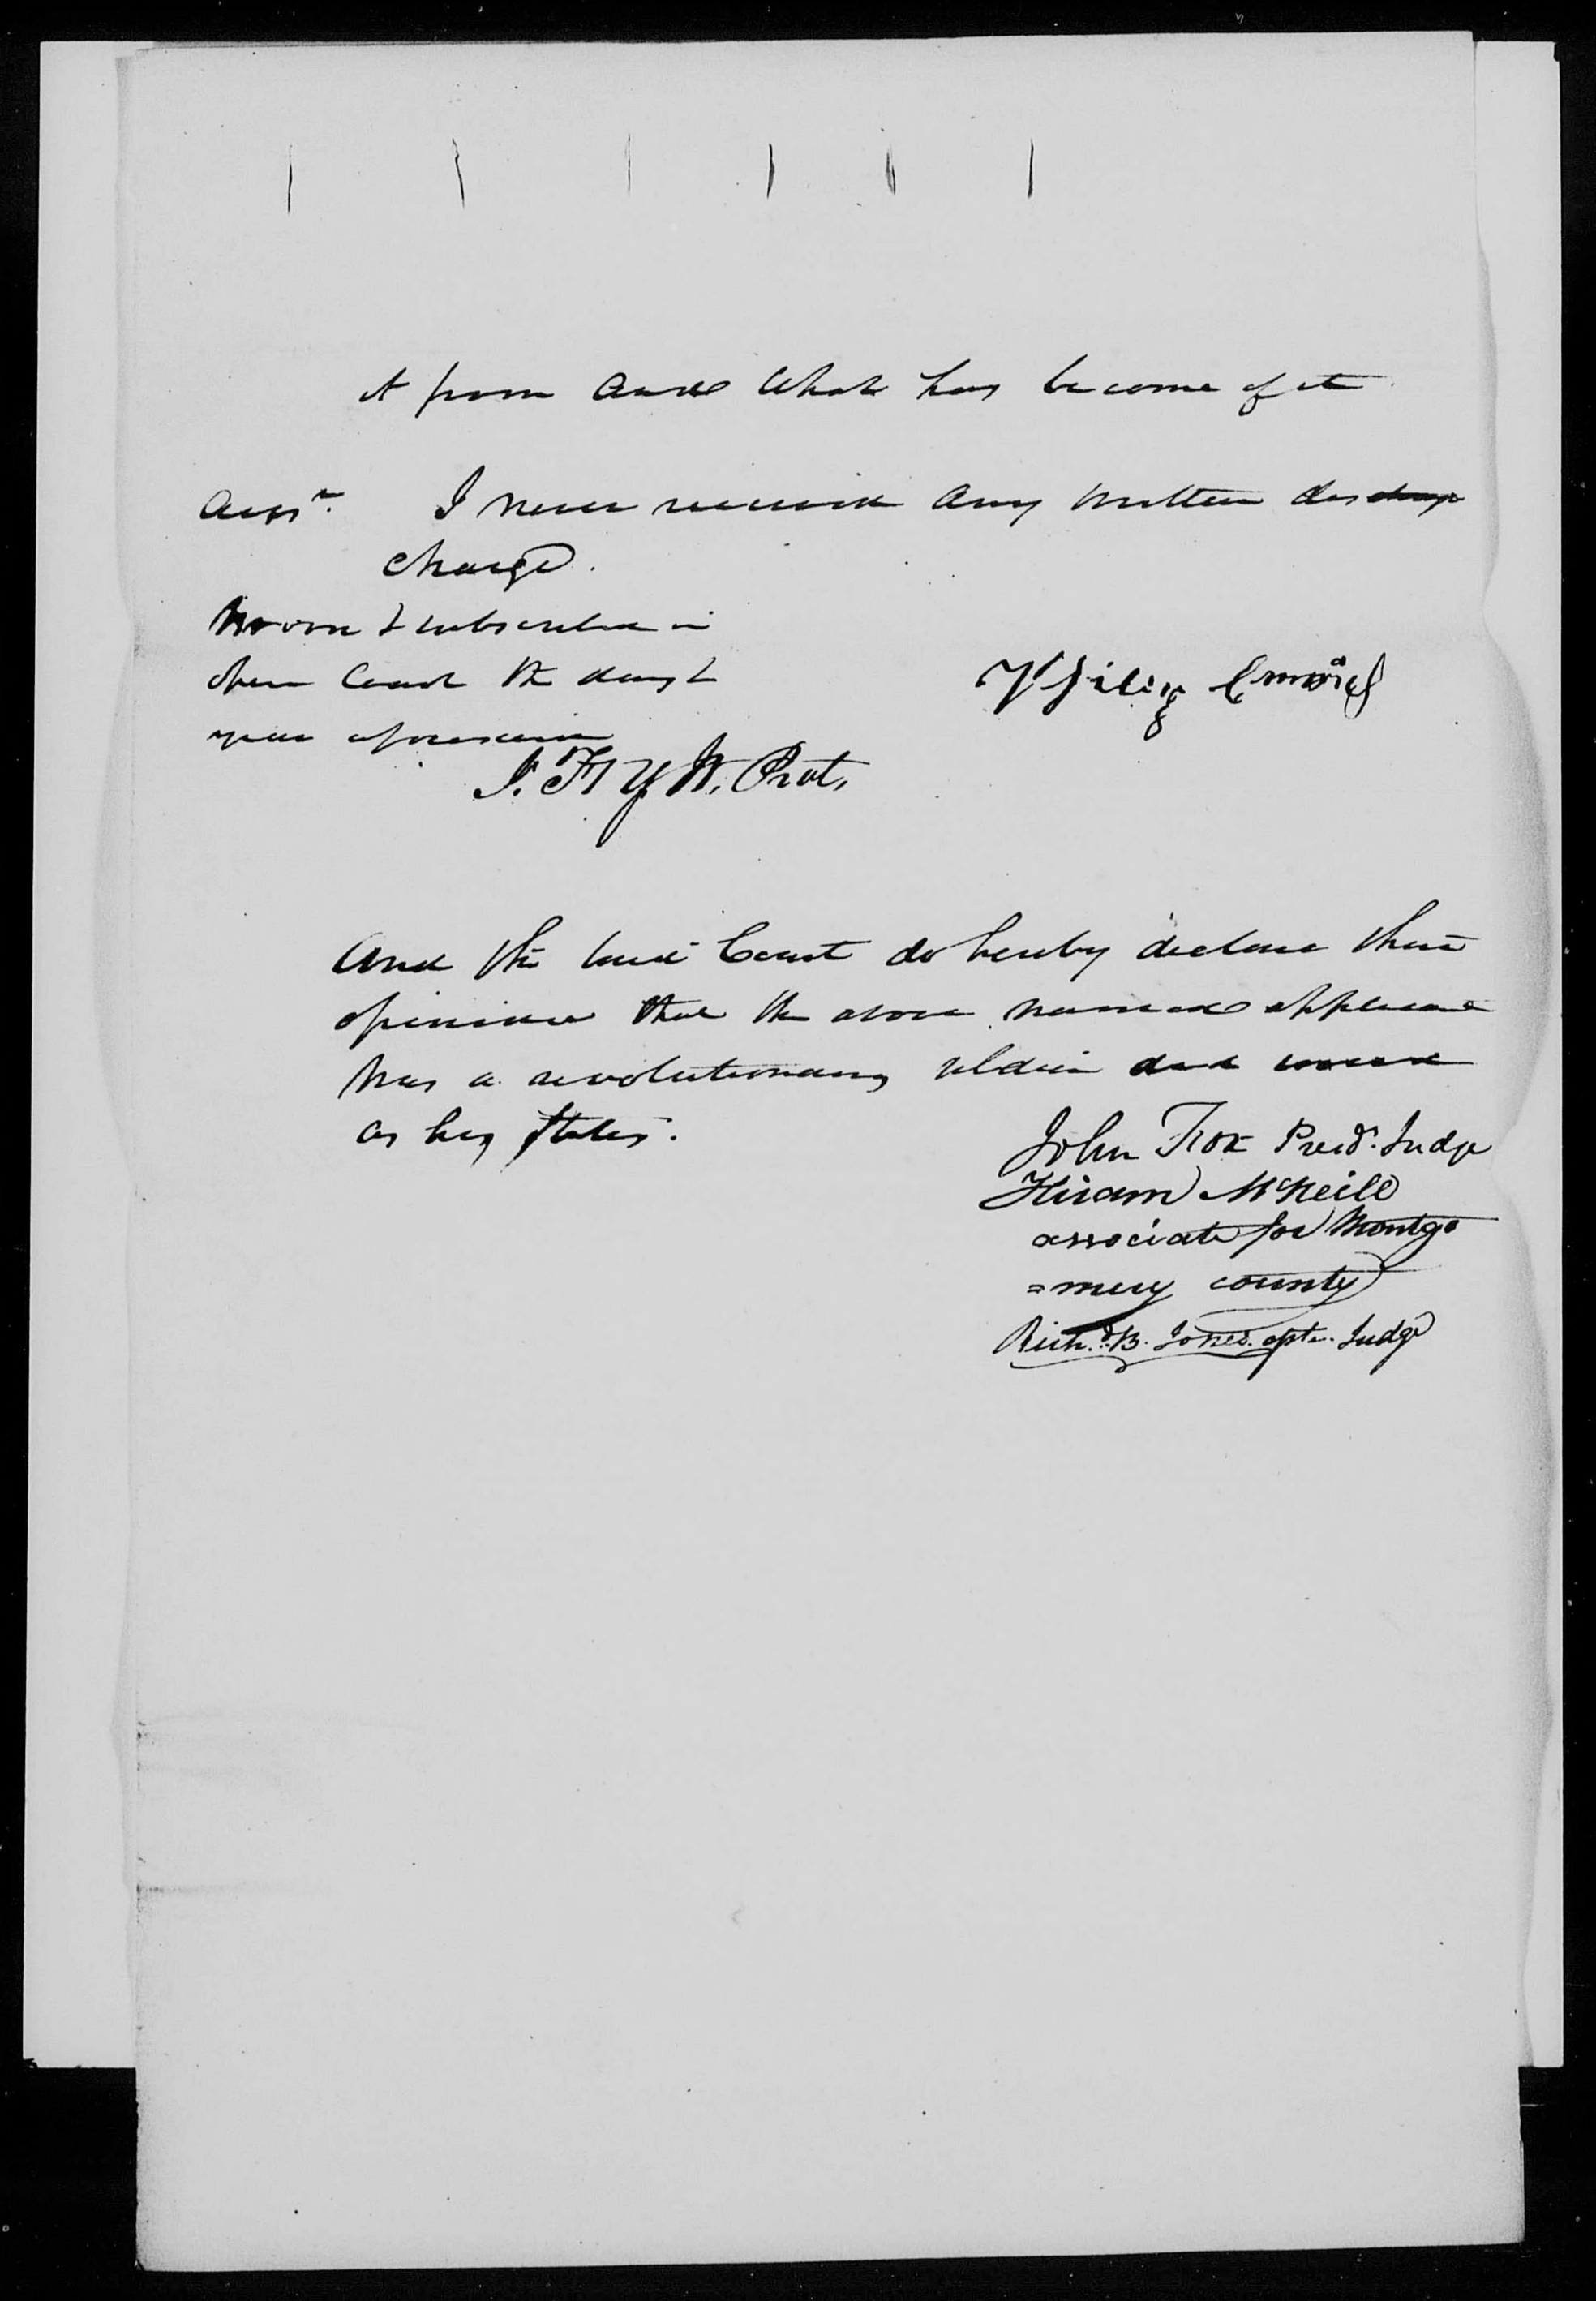it from and what has become of it

Ansr. I never received any written discharge
Sworn & subscribed in
open Court the day &
year aforesaid          [signature] Philip Emerick 
J. Fry Jr. Prot.

And the said Court do hereby declare their
opinion that the above named applicant
was a revolutionary soldier and served
as his state.
John Fox Presd Judge
Hiram McNeill
associate for Montgomery County
Rich B. Jones opt.Judge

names: Hiram Mc Neill, Philip Emerick, John Fox, Richd B Jones, J Fry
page: 12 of 29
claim: survivor's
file: S. 23618, Philip Emerick, Penn.